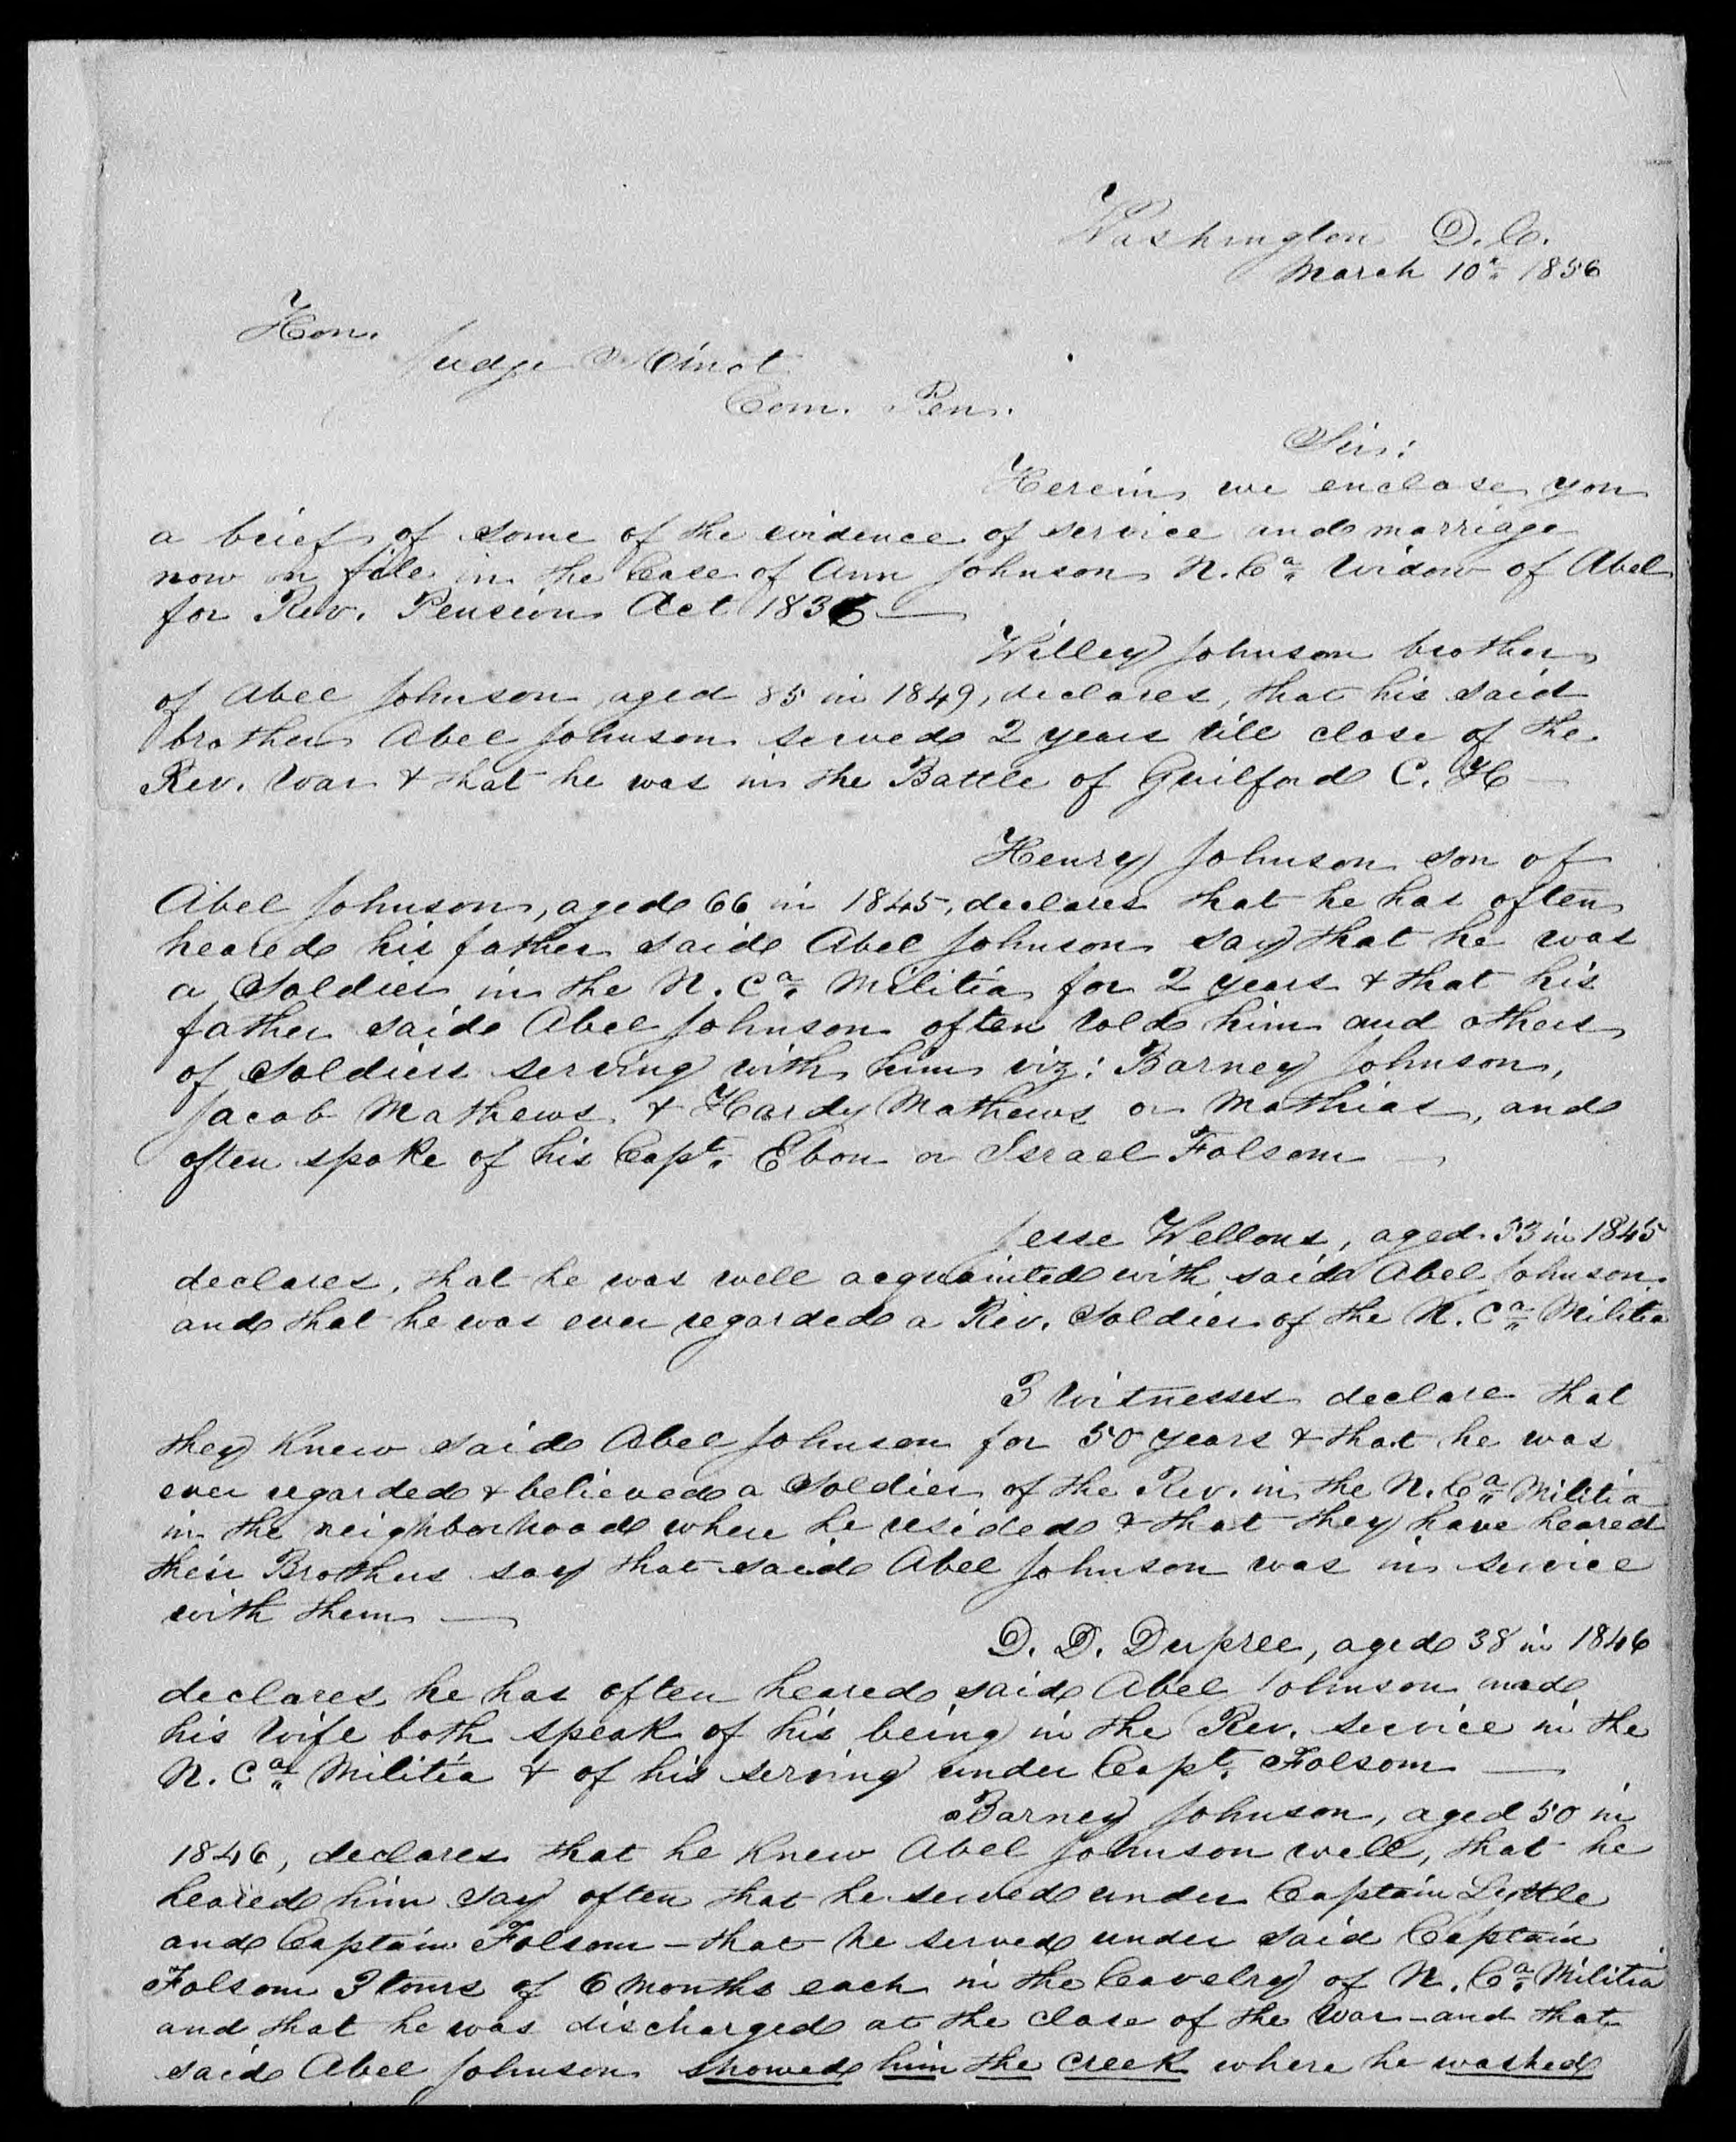Washington D. C. March 10th 1856    Hon. Judge [unreadable]   Com. Pens. [Commissioner Pensions]  Sirs:   Herein we enclose you a brief of some of the evidence of service and marriage now on file in the Case of Ann Johnson N. C. widow of Abel for Rev. [Revolutionary] Pensions Act 1836 -    Willy Johnson, brother of Abel Johnson, aged 85 in 1849, declares that his said brother Abel Johnson served 2 years till close of the Rev. War and that he was in the Battle of Guilford C.H. [Guilford Court House].      
Henry Johnson, son of Abel Johnson, aged 66 in 1845, declared that he had often heared his father said Abel Johnson say that he was a Soldier in the N. C. Militia for 2 years and that his father said Abel Johnson often told him and others of Soldiers serving with him viz: Barney Johnson, Jacob Mathews, and Hardy Mathews or Mathias, and often spoke of his Capt. Ebon or Israel Folsom.    
Jesse Wellons, aged 53 in 1845, declared that he was well acquainted with Abel Johnson and that he was ever regarded and believed a Soldier of the Rev. in the N. Ca.  Militia.     
3 witnesses declare that they knew said Abel Johnson for 50 years and that he was ever regarded and believed a Soldier of the Rev. in the N. Ca. Militia in the neighborhood where he resided and that they have heared their brothers say that said Abel Johnson was in service with them ---      
D. D. Dupree, aged 38 in 1846, declared he has often heared said Abel Johnson and his wife both speak of his being in the Rev. Service in the N. Ca. Militia and of his serving under Capt. Folsom ---    
Barney Johnson, aged 50 in 1846, declares that he knew Abel Johnson well, that he heared him say often that he served under Capt. Lyttle and Capt. Folsom - that he served under said Capt. Folsom 3 tours of 6 months each in the Cavalry of N. Ca. Militia and that he was discharged at the close of the war - and that said Abel Johnson showed him the creek where he washed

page: 42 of 74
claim: rejected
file: R. 5600, for Abel Johnson, North Carolina